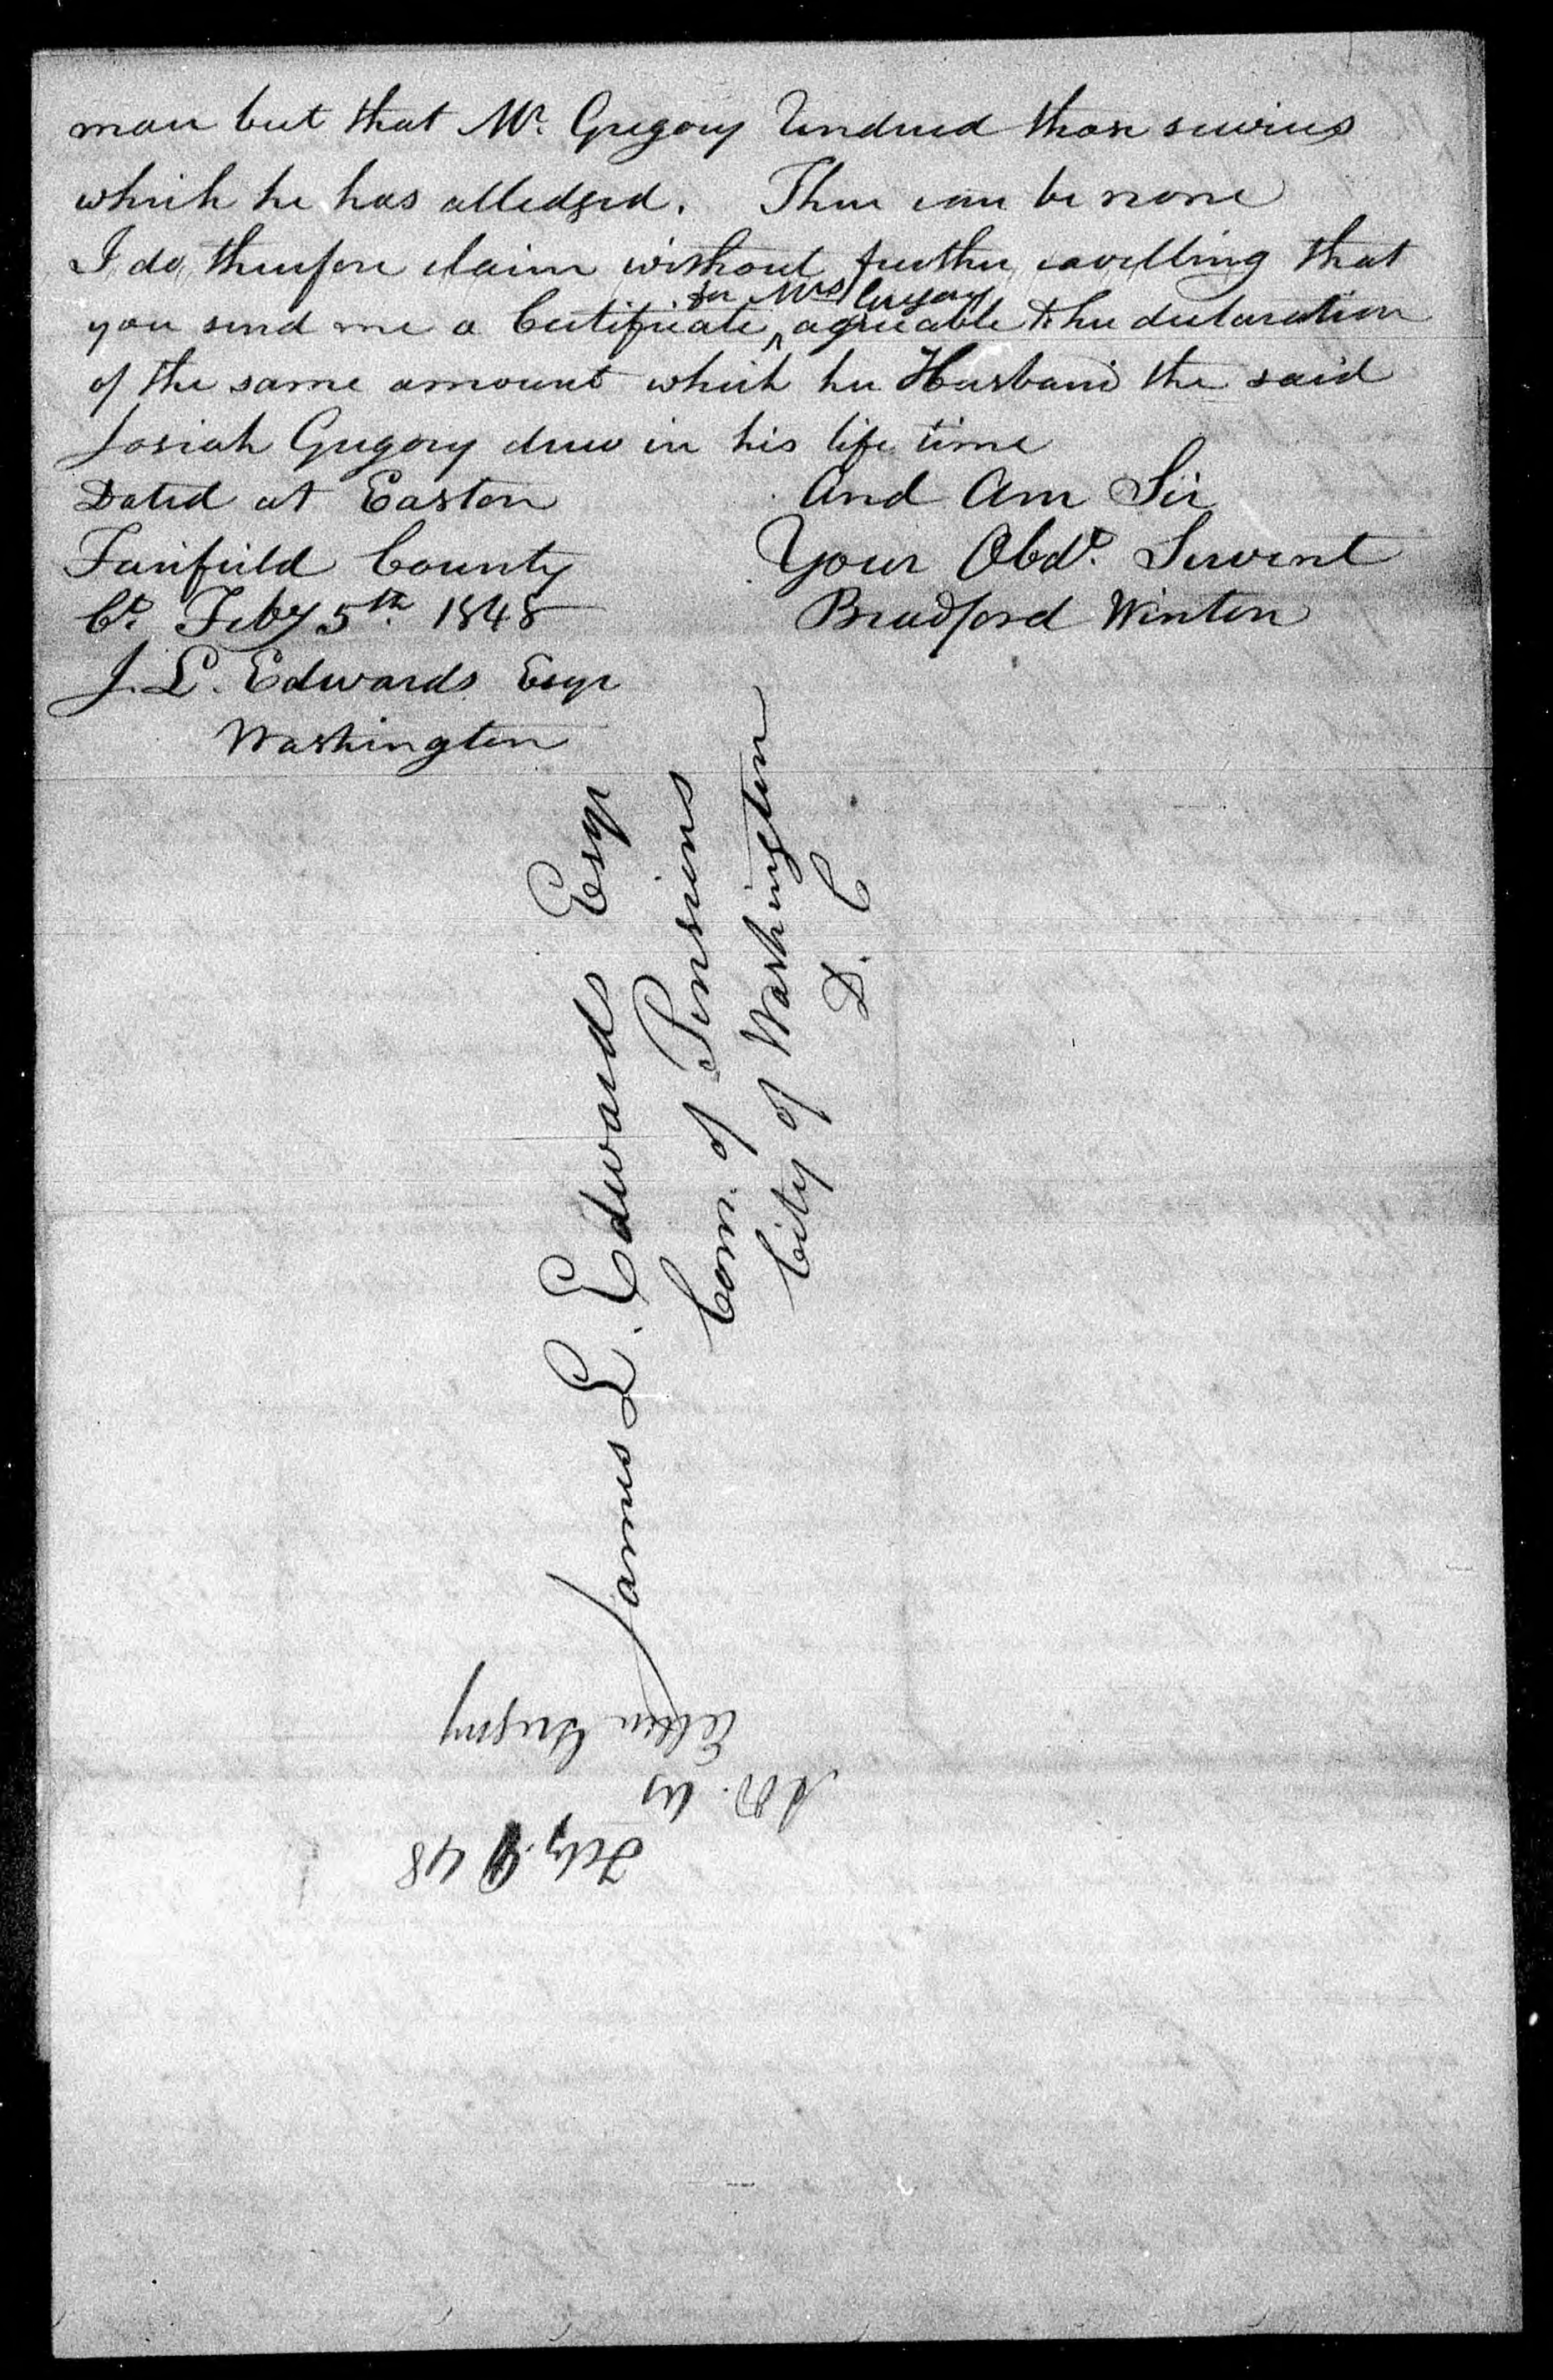man but that Mr. Gregory rendered those services which he has alledged [sic].  There can be none I do therefore claim without further unwilling [?] that you and me a Certificate for Mrs. Gregory [last three words inserted] agreeable to her declaration of the same amount which her Husband the said Josiah Gregory drew in his lifetime
                                 And Am Sir
                                 Your Obdt. Servent [sic]
                                     Bradford Winton
Dated at Easton
Fairfield County
Ct. Feby 5th 1848
J.L. Edwards Esqr
Washington

[The following address is written vertically under the above]
James L. Edwards
Com. of Pensions
City of Washington
          D.C.

[The following is written, inverted, below the above]

 Feb 9  48
Adm W
Ellen Gregory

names: Josiah Gregory, Ellen Gregory, Bradford Winton, James L Edwards, J L Edwards, Gregory, Gregory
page: 40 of 49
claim: widow's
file: W 24308, Josiah Gregory, Conn.